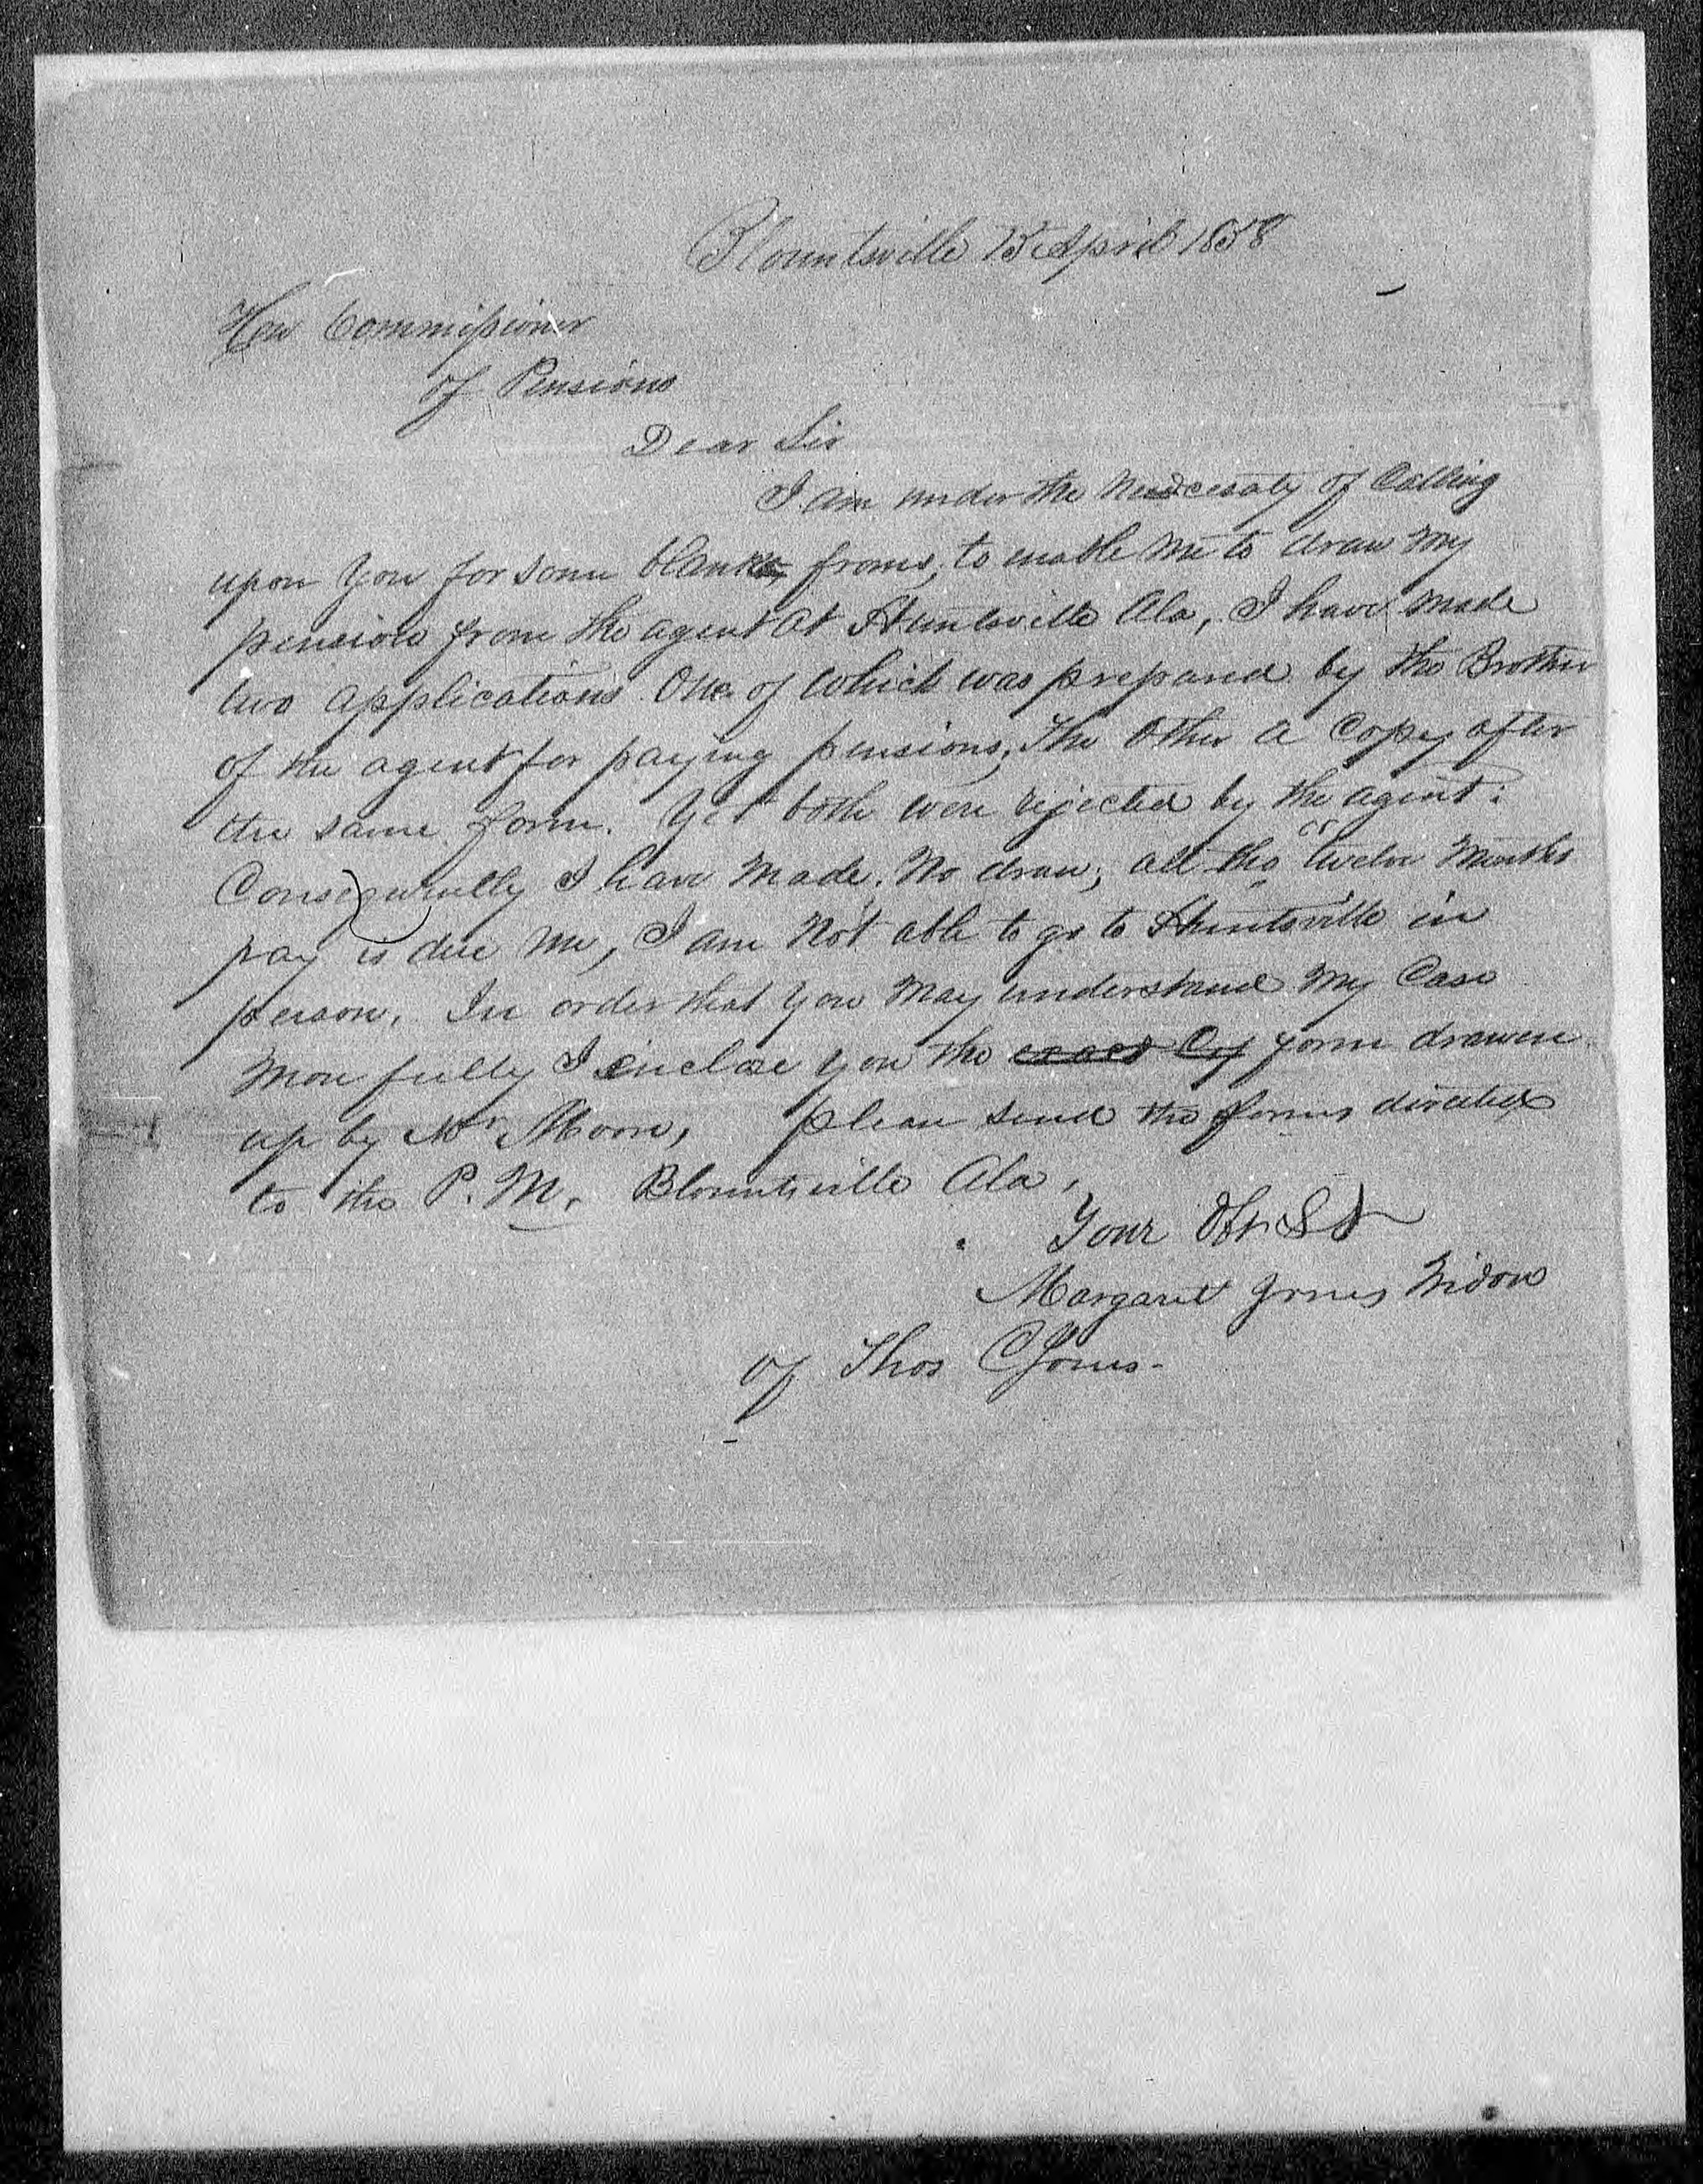Blountsville 15 April1858

New Commissioner 
of Pensions
Dear Sir
I am under the necesaty [necessity] of calling
upon you for some blank forms to enable me to draw my
pension from the agent at Huntsville Ala.  I have made
two applications one of which was prepared by the Brother
of the agent for paying pensions.  The other a copy after
the same form.  Yet both were rejected by the agent.
Consequently I have made no draw, all this twelve months
pay is due me.  I am not able to go to Huntsville in
person.  In order that you may understand my case
more fully.  I enclose you the forms drawn
up by Mr. Moore [?].  Please send the forms described
to the P.M. Blountsville Ala
Your Ofr Sd {? illegible]
Margarett Jones Widow
of Thos C Jones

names: Margaret Jones; Thos C Jones; [BLANK] Moore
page: 31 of 45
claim: widow's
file: W. 26160, for Thomas C Jones, Georgia